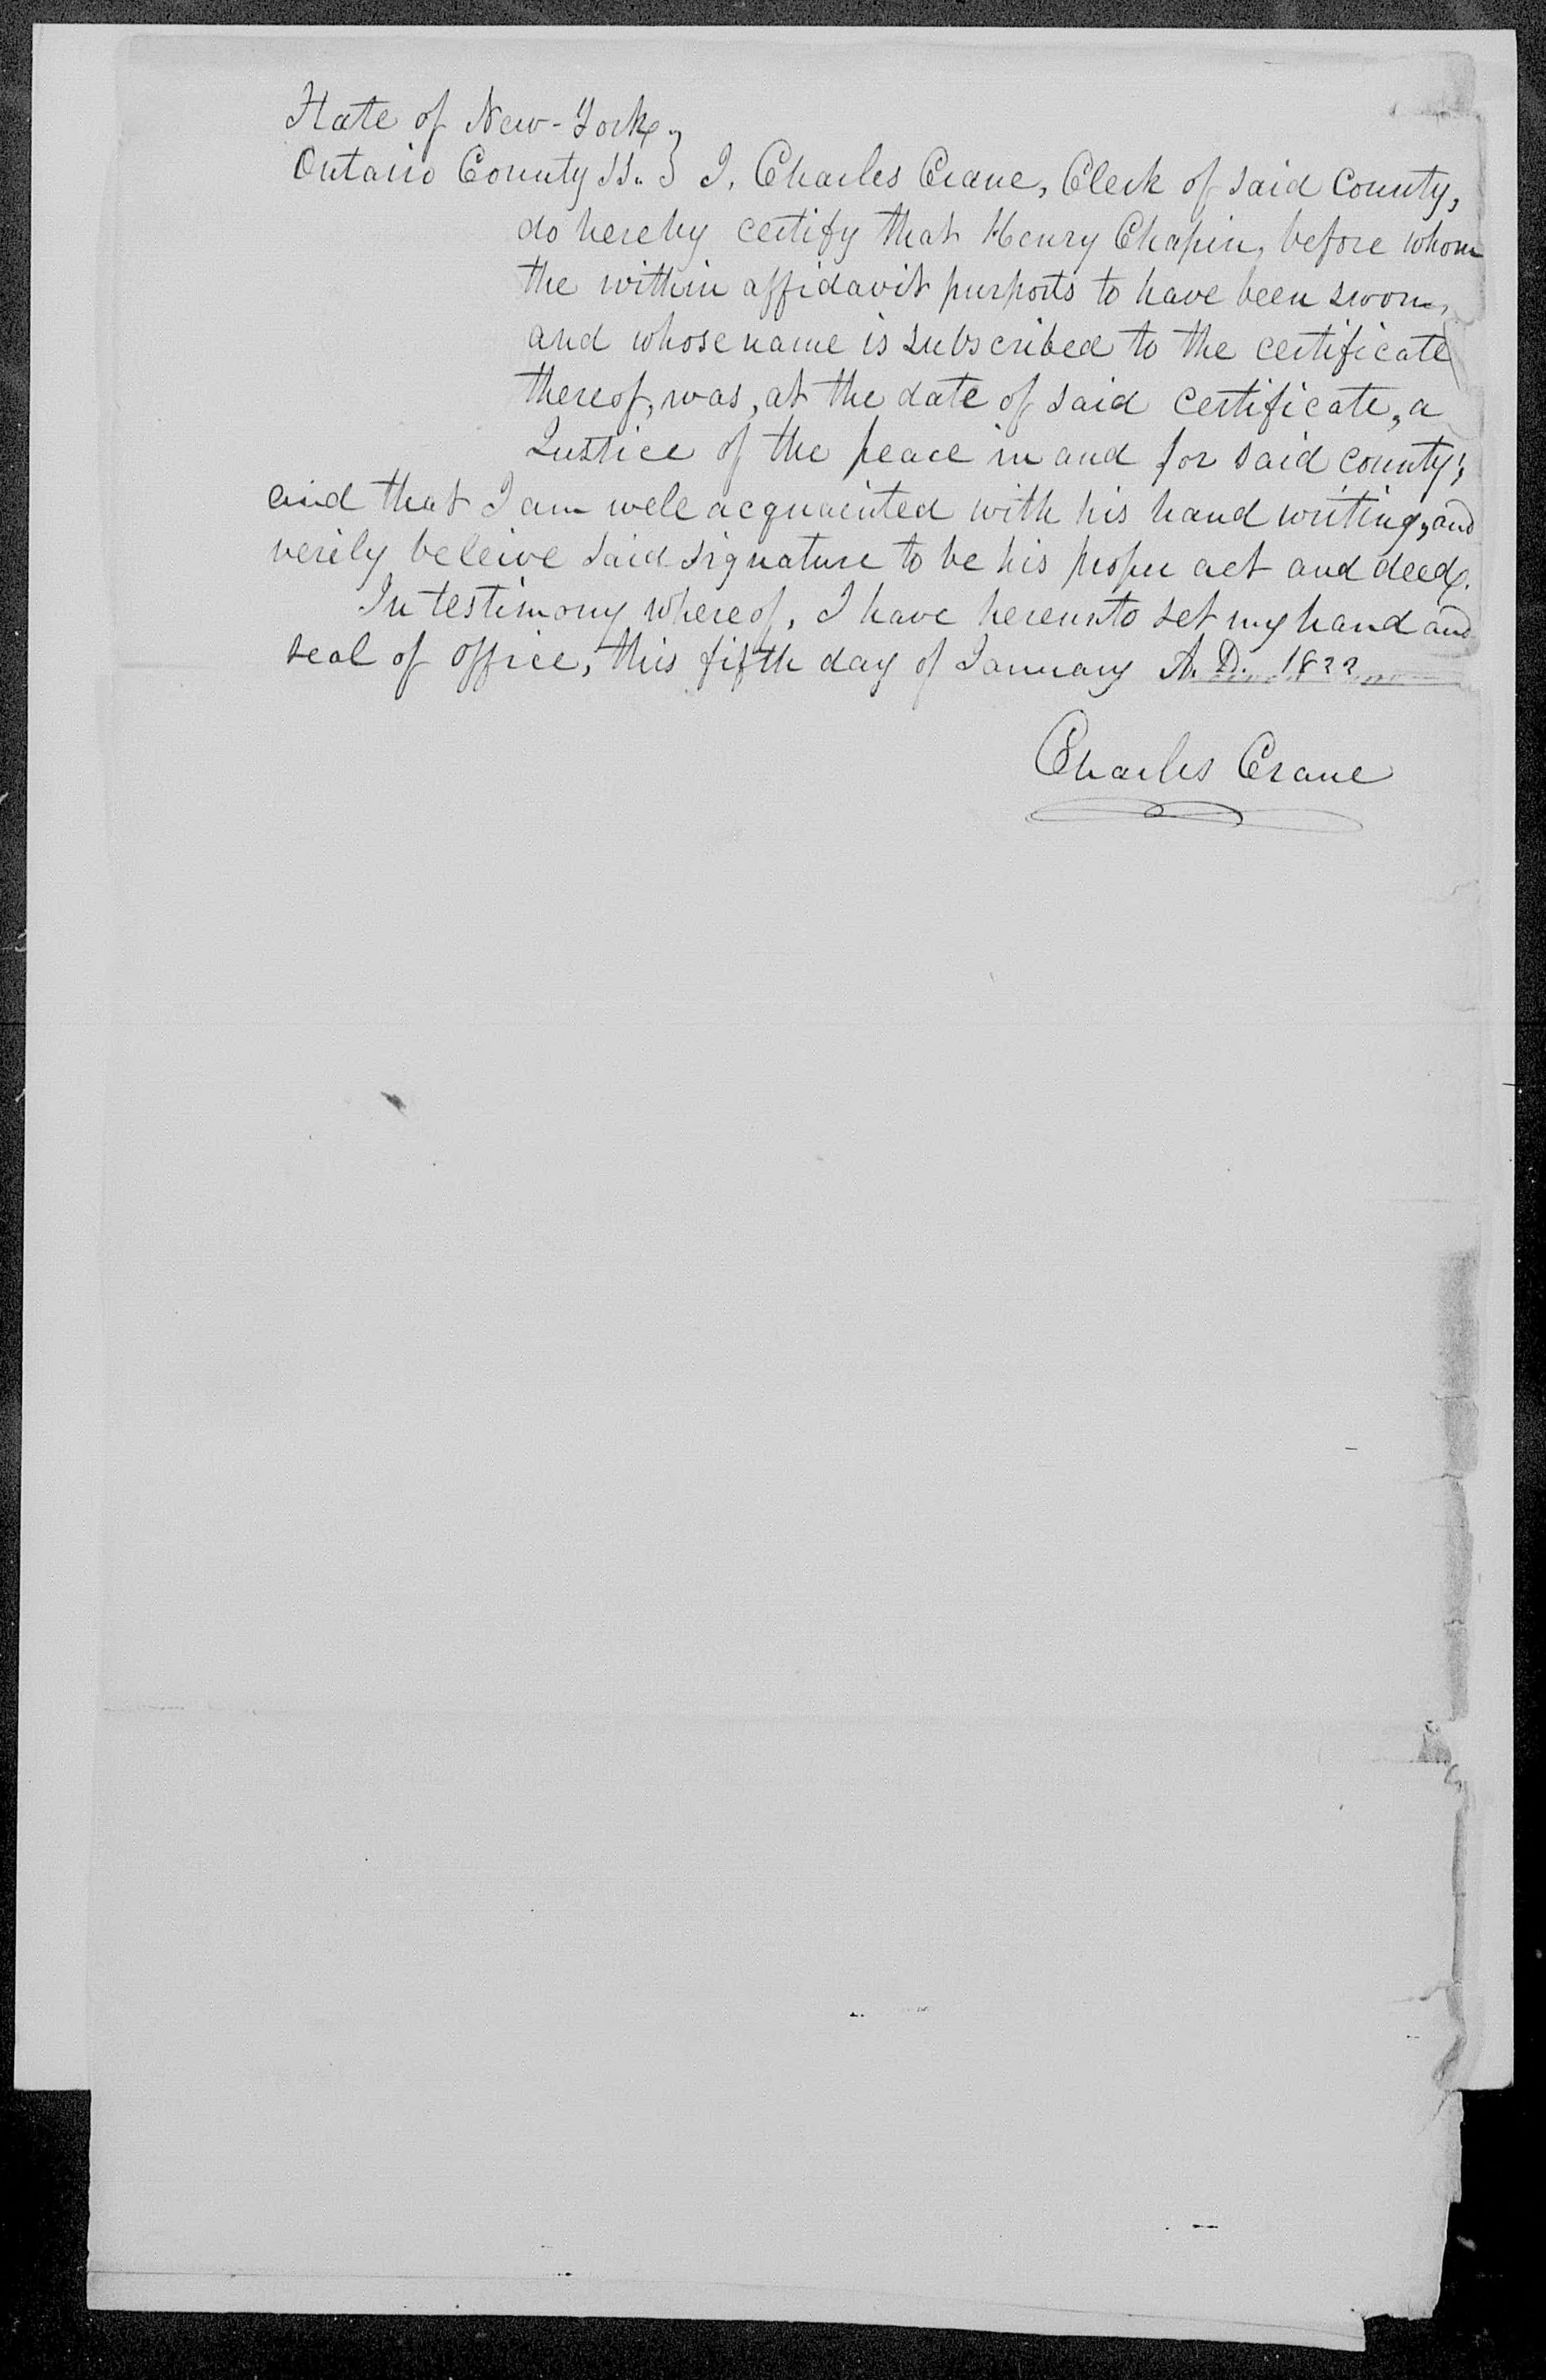State of New-York
Ontario County SS. ⎬ 
I, Charles Crane, Clerk of said County, do hereby certify that Henry Chapin before whom the within affidavit purports to have been sworn,
and whose name is subscribed to the certificate
thereof, was, at the date of said certificate, a
Justice of the peace in and for said County; ┃
and that I am well acquainted with his hand writing, and verily believe said signature to be his proper act and deed.

In testimony whereof, I have hereunto set my hand and seal of office, this fifth day of January A.D. 1833
Charles Crane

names: Charles Crave, Henry Chapin, Charles Crave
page: 10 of 12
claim: survivor's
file: S. 23,528, Jacob Barkman, New York